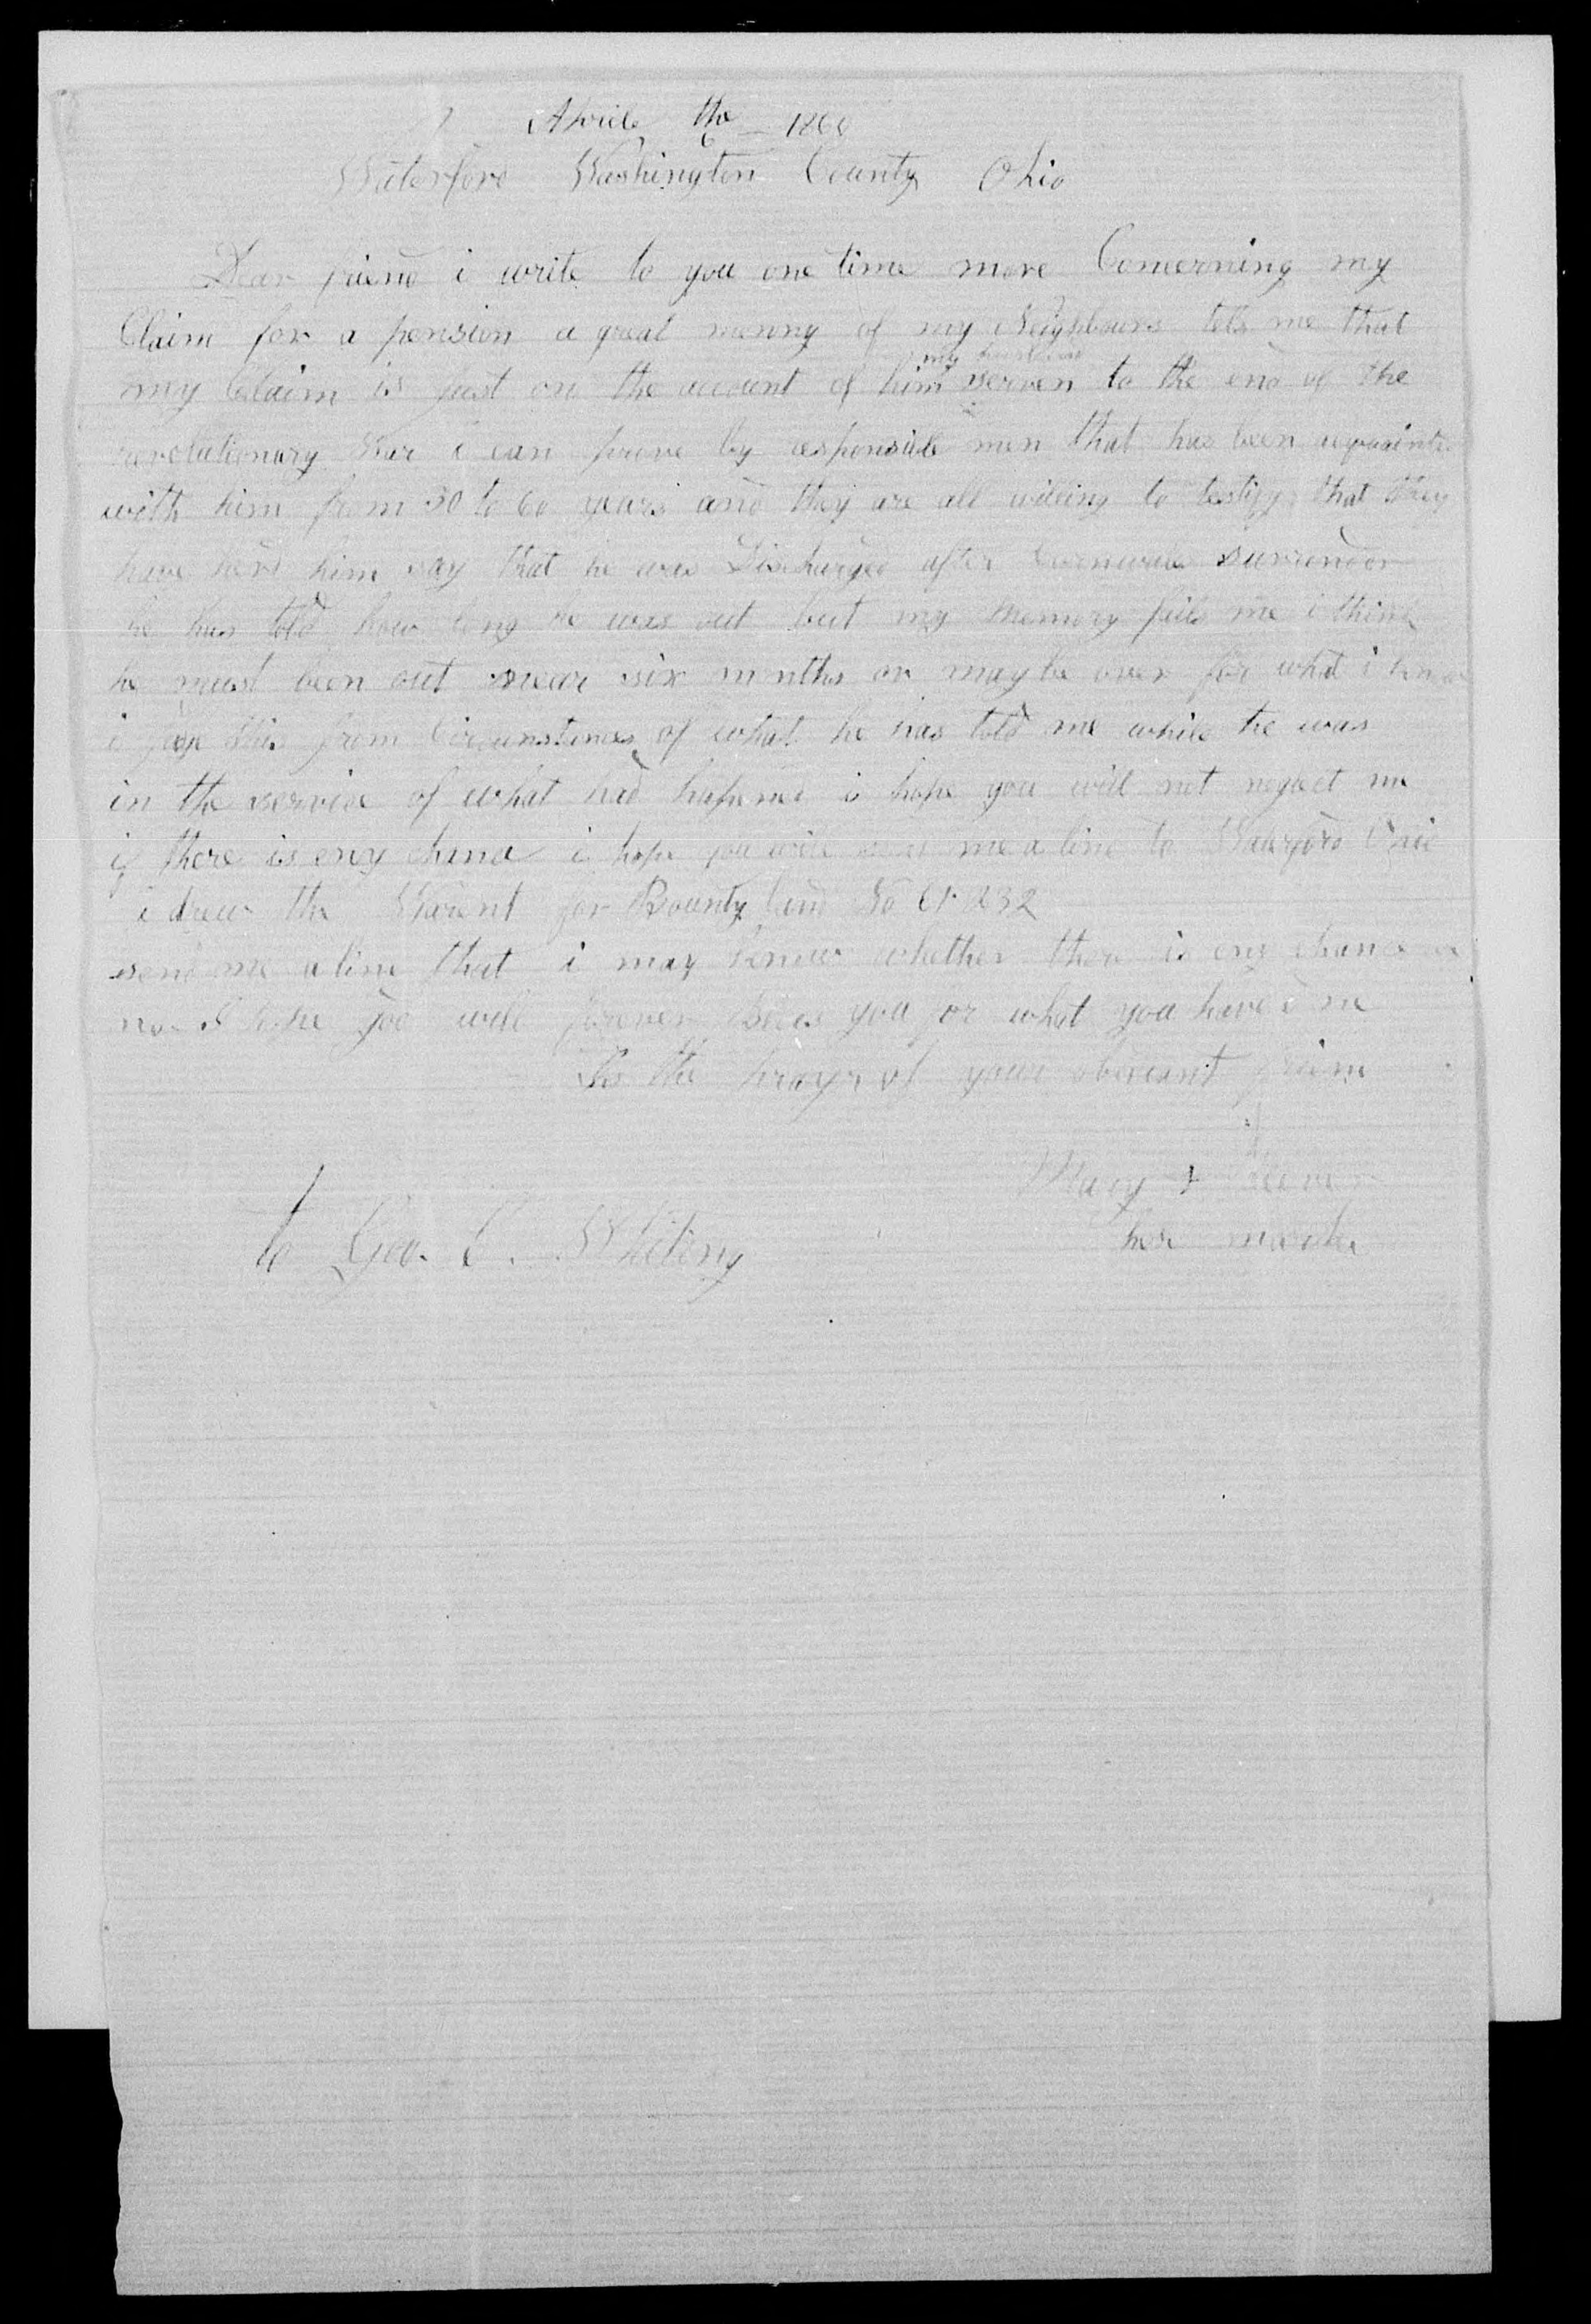April the 6 1860 
Waterford Washington County Ohio
Dear friend i write to you one time more Concerning my 
Claim for a pension a great menny of my Neighbours tels me that 
my Claim is just on the account of him my husband serven to the end of the 
Revolutionary war i can prove by responsible men that has been acquainted 
with him from 50 to 60 years and they are all willing to testify that they 
have herd him say that he was Discharged after Cornwallis surrender 
He has told how long he was out but my memory fails me i think
he must been out near six months or maybe over for what i herd 
i [?] This from Circumstances of what he has told me while he was 
in the service of what had hapened i hope you will not neglect me 
if there is any chance i hope you will send me a line to Waterford Ohio
i drew the Warent for Bounty land No 61232 ?]send me a line that i may know whether there is eny chance [?]
I hope you will forever [?] for what you have [?] In the prayer of your obedient friend
Mary Keever her [handwritten] + mark 

To Geo. [?] Whiting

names: Mary Keever; Geo C Whiting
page: 32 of 33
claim: rejected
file: R. 5814, for John Keever, Maryland